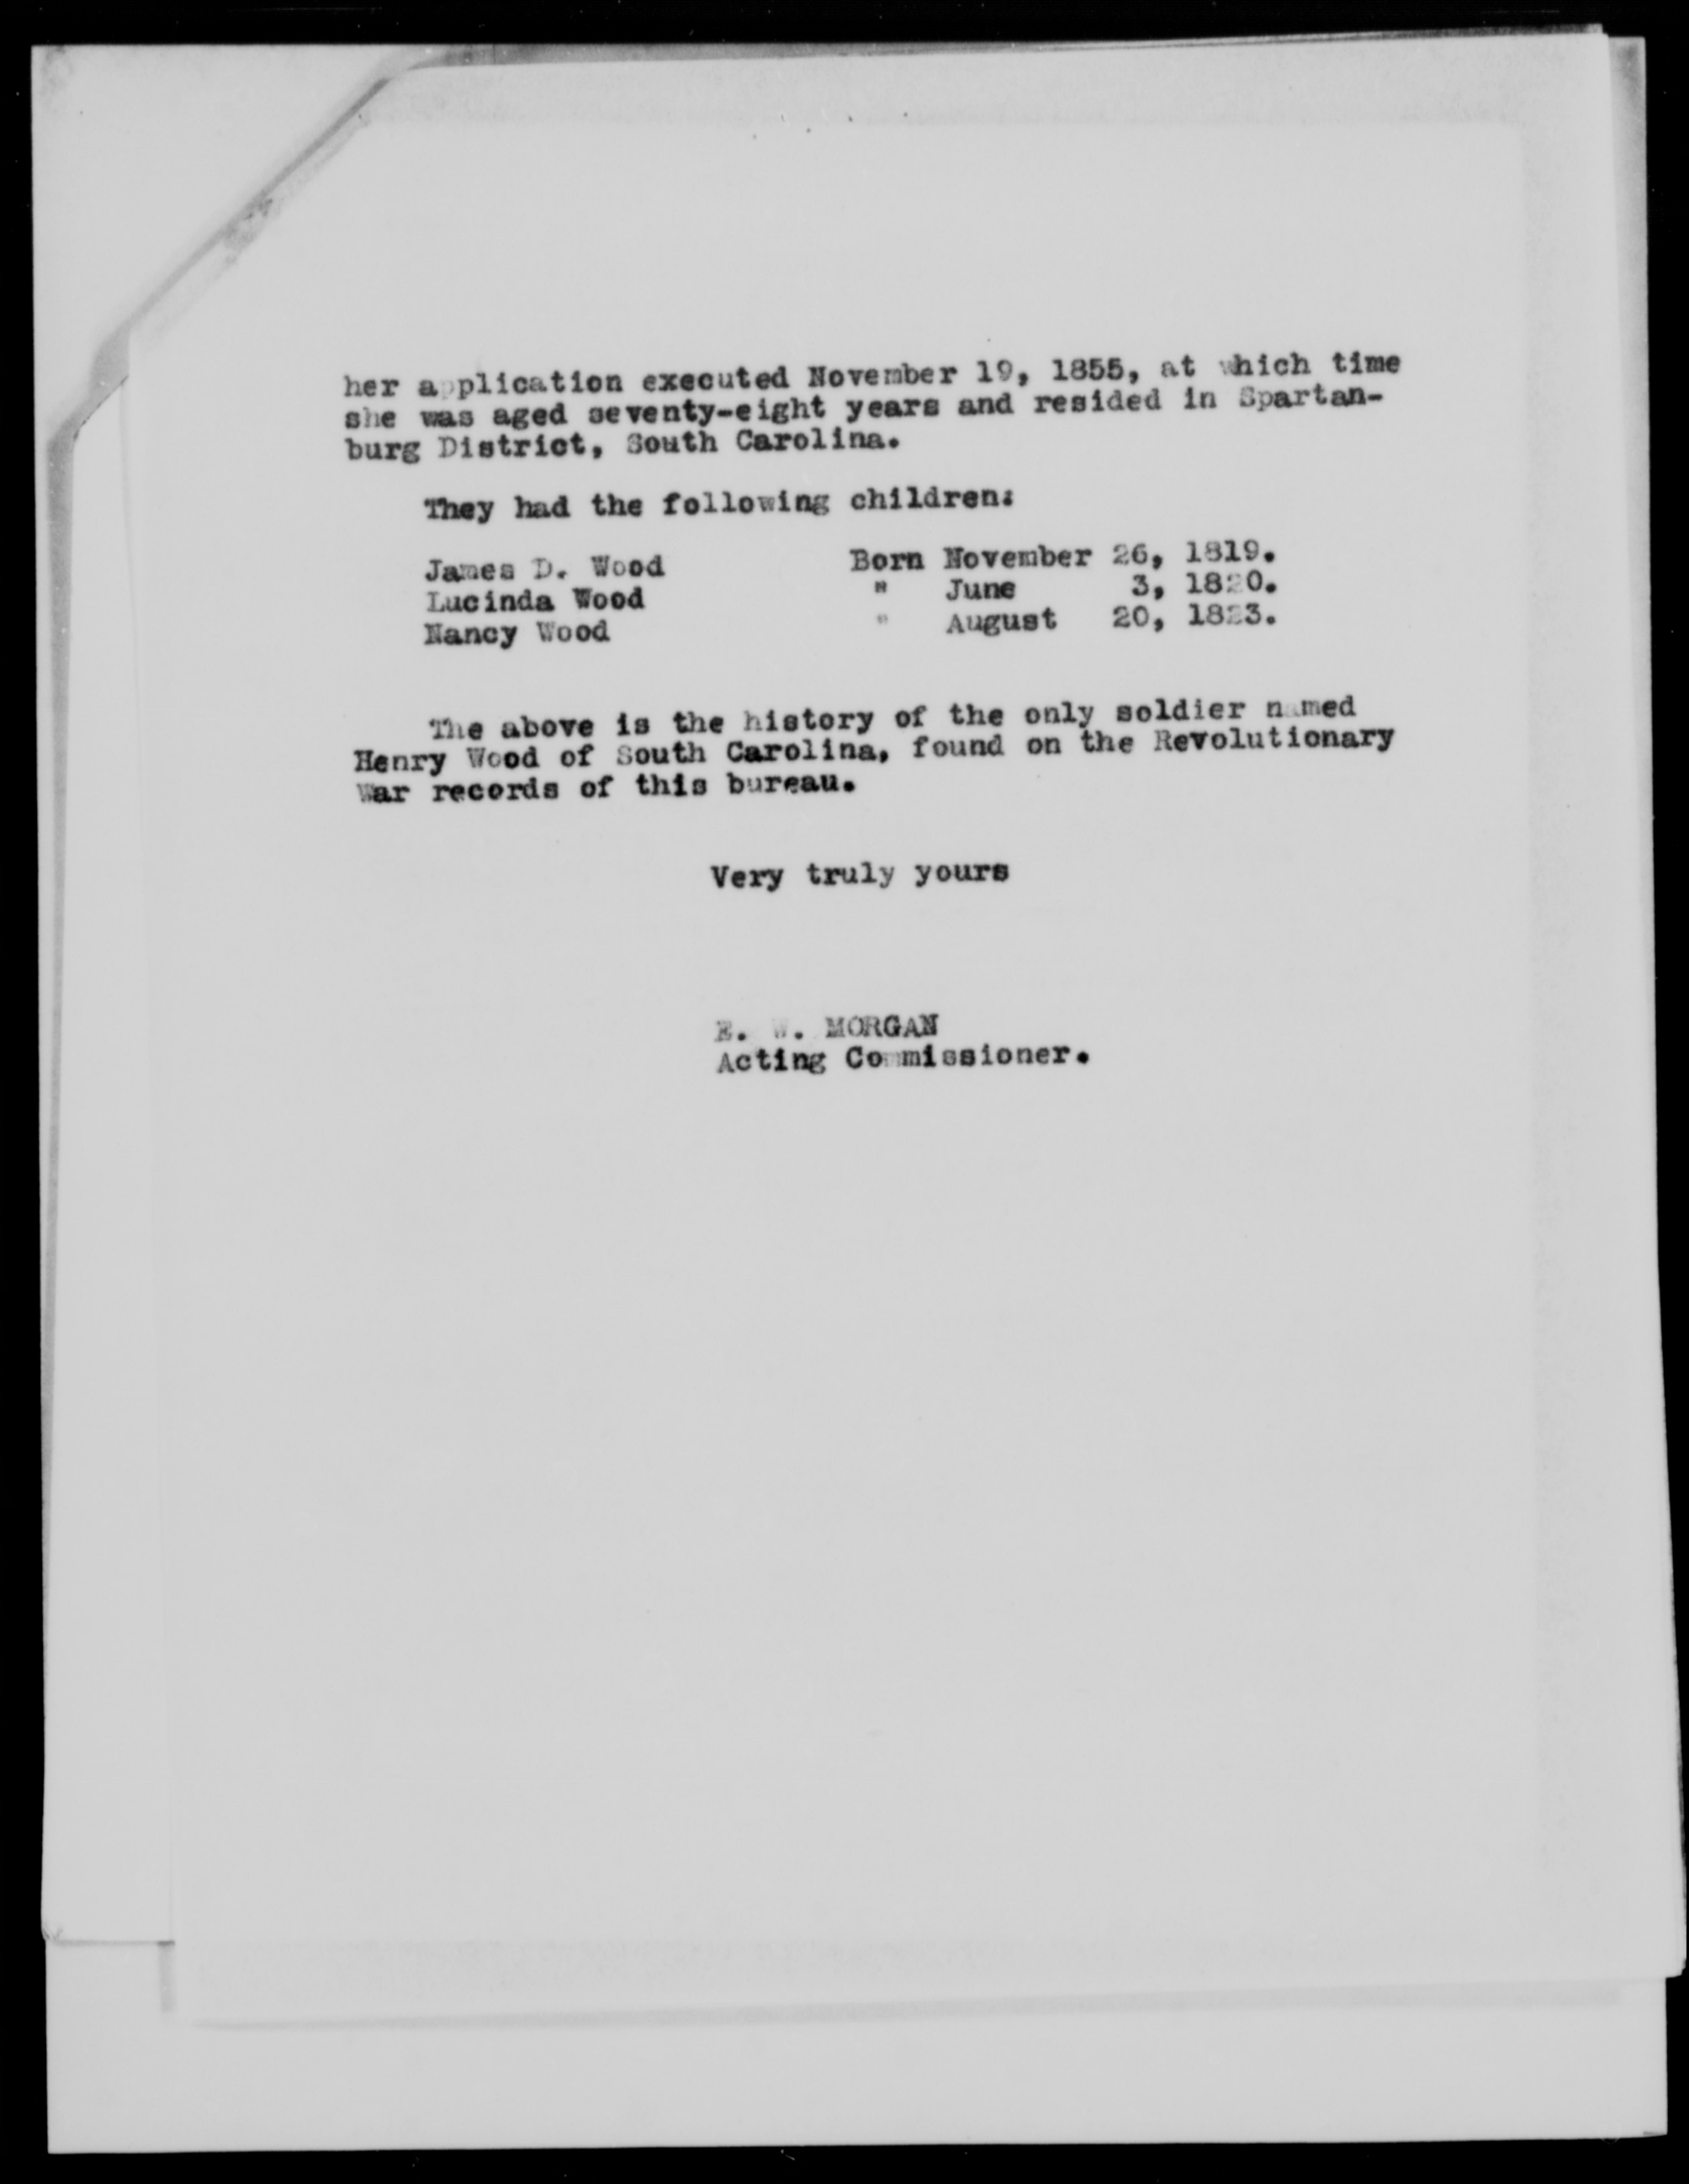her application executed November 19, 1855, at which time she was aged seventy-eight years and resided in Spartanburg District, South Carolina.
They had the following children:
James D. Wood Born November 26, 1819.
Lucinda Wood Born June 3, 1820
Nancy Wood Born August 20, 1823

The above is the history of the only soldier named
Henry Wood of South Carolina, found on the Revolutionary war records of this bureau.
Very truly yours
E. W. MORGAN
Acting Commissioner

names: Nancy Wood, Lucinda Wood, E W Morgan, James D Wood, Henry Wood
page: 38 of 40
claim: rejected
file: R. 11785, Henry Wood, N. C.